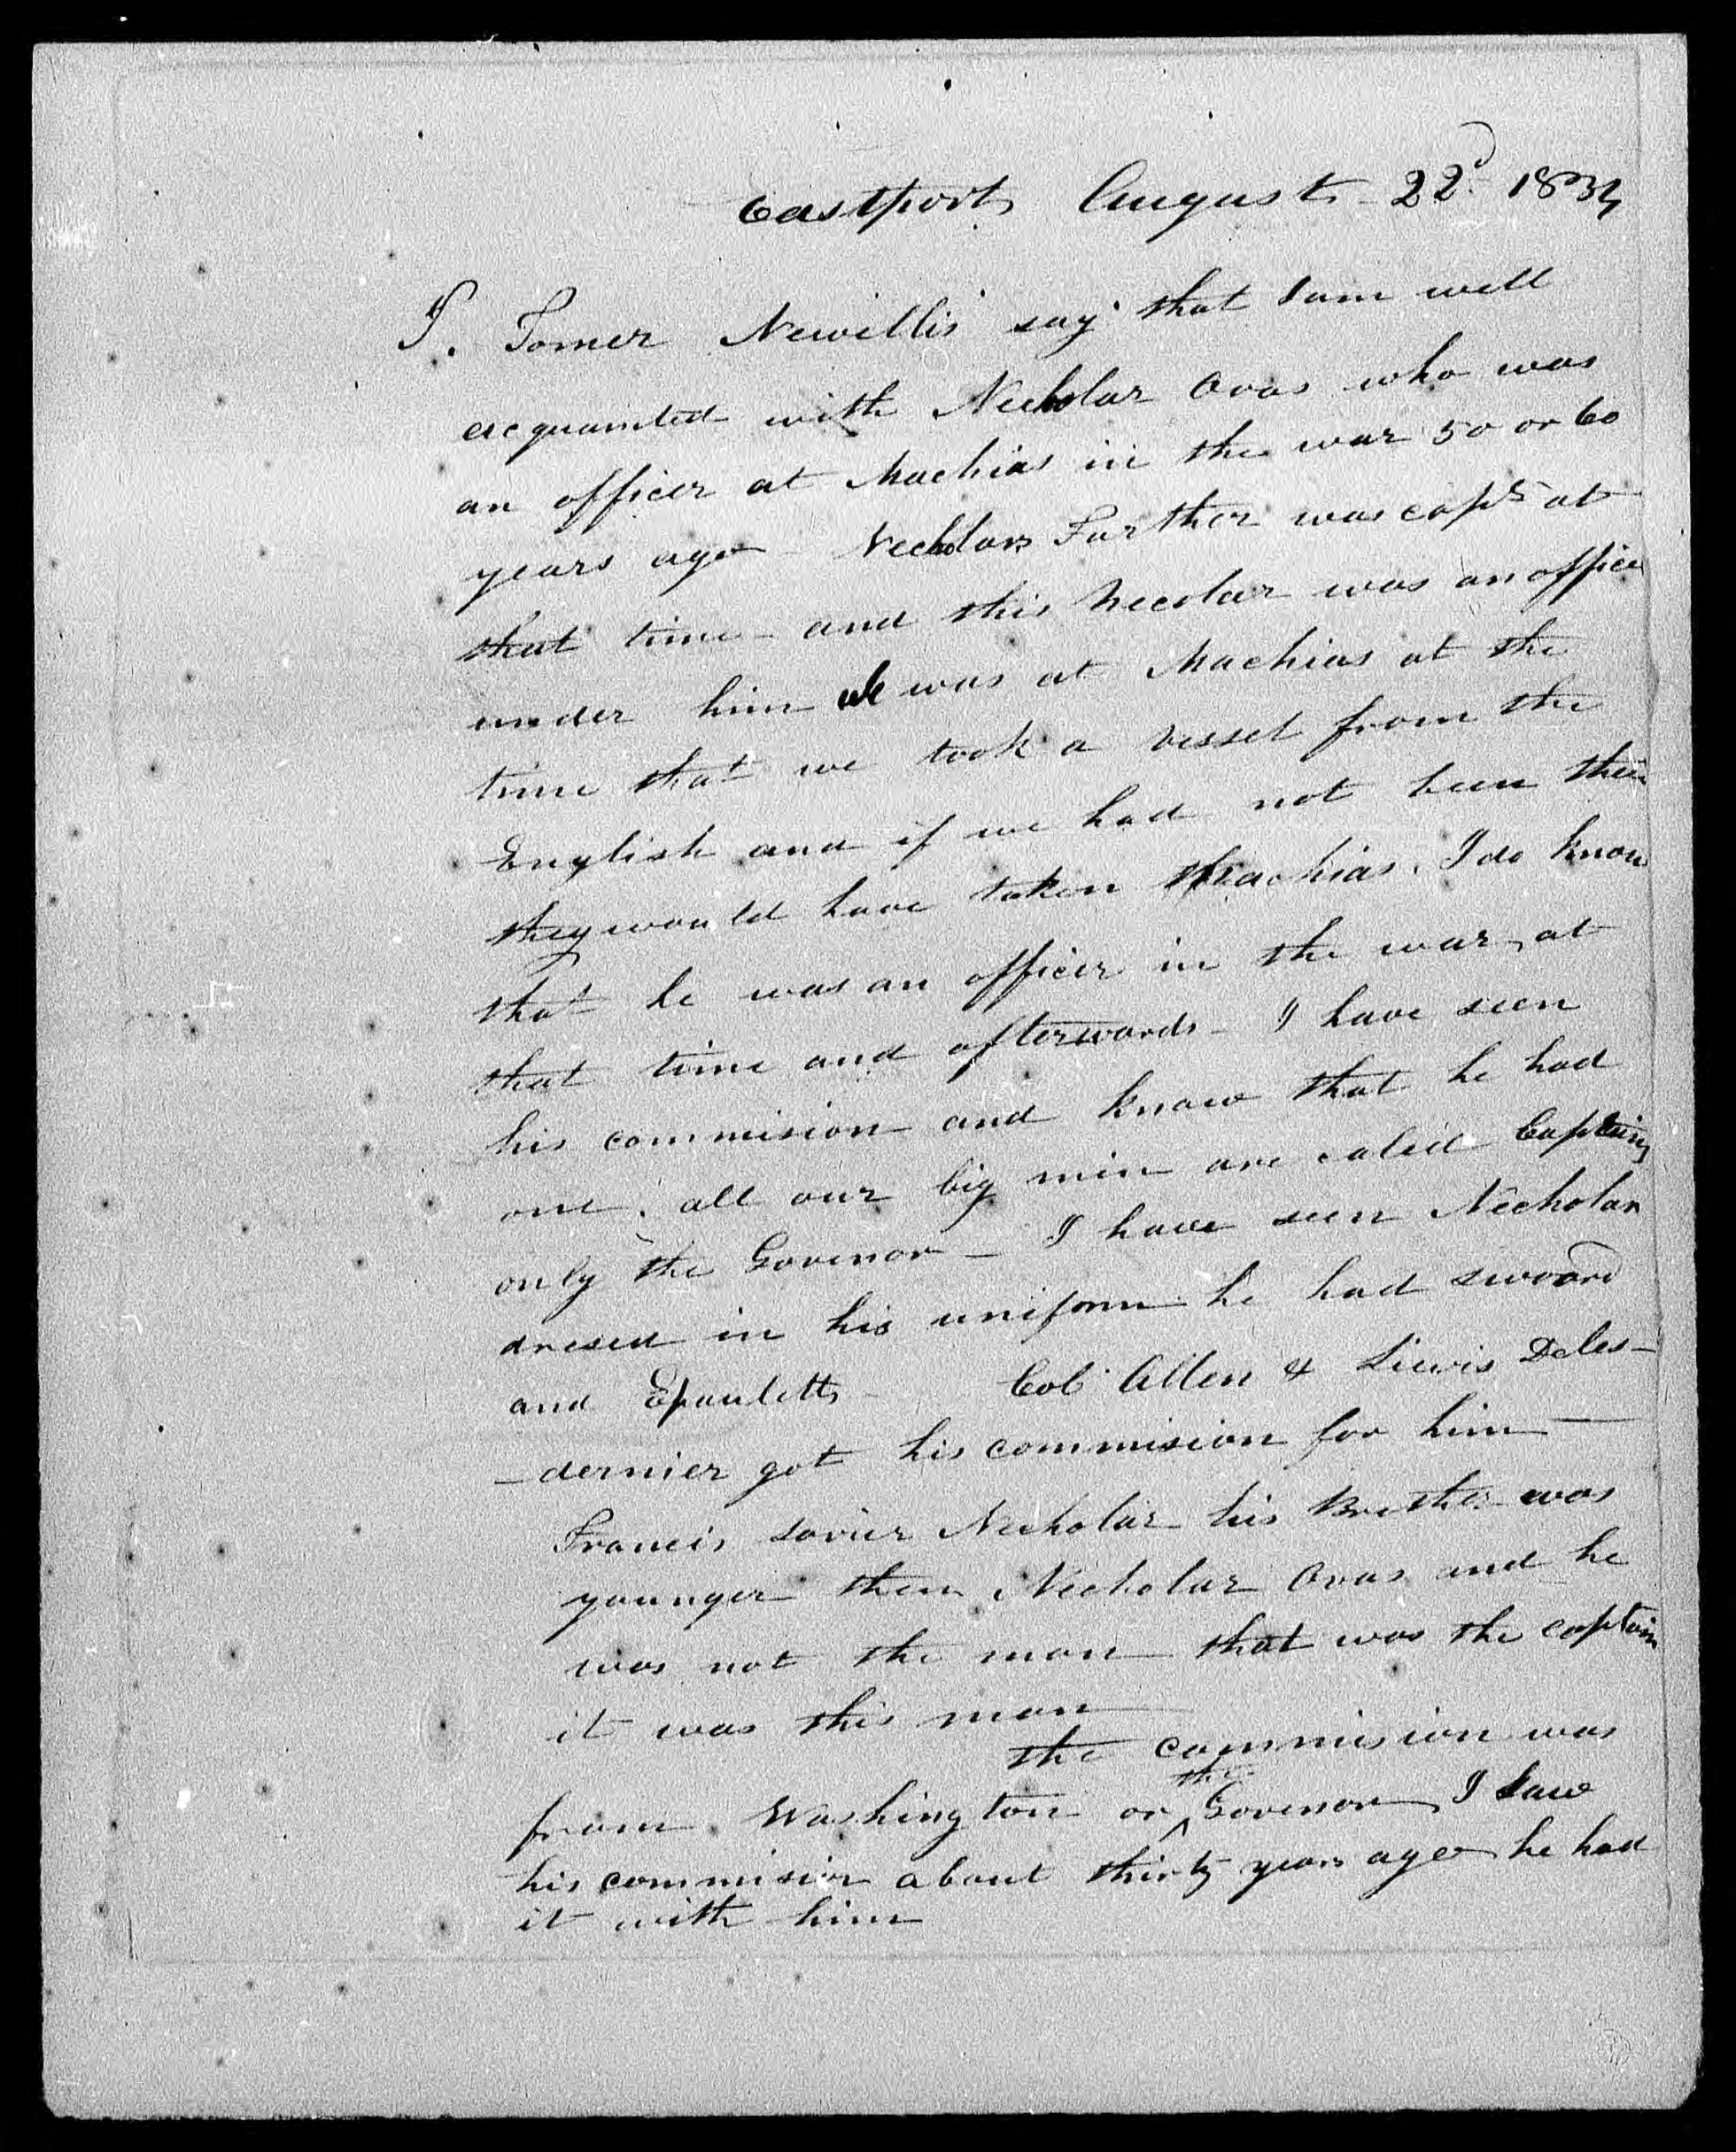Eastport, August 22 1834

[S.] Tomer Newellis say that I am well acquainted with Nicholar Ovas who was an officer at Machias in the was 50 or 60 years ago. Nicholar further was [caps] at that time and this [?] was an officer under him [he?] was at Machias at that time that we took a vessel from the English and if we have not been there they would have taken Machias. I do know that he was an officer in the war, at that time and afterwards. I have seen his commission and know that he had one, all our big [miss] are [also] capturing only the Governor-- I have seen Nicholar dressed in his uniform he had [sword] and Epauletts. Col Allen [?] Lewis Dales--[courier] got his commission for him--Francis Lovier Nicholar his brother was younger than Nicholas [Ovas] and he was not the [more] that was the captain it was this [more] the commission was from Washington or the Governor. I [saw] his commission aout thirty-years ago he have it with him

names: Nicholar, Nicholar, Allen, Lewis, Nicholar Ovas, Francis Lovier Nicholar, Tomer Newellis, Nicholar Ovas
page: 34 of 52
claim: survivor's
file: S 17997, Nicholas Hawwawas, Mass.